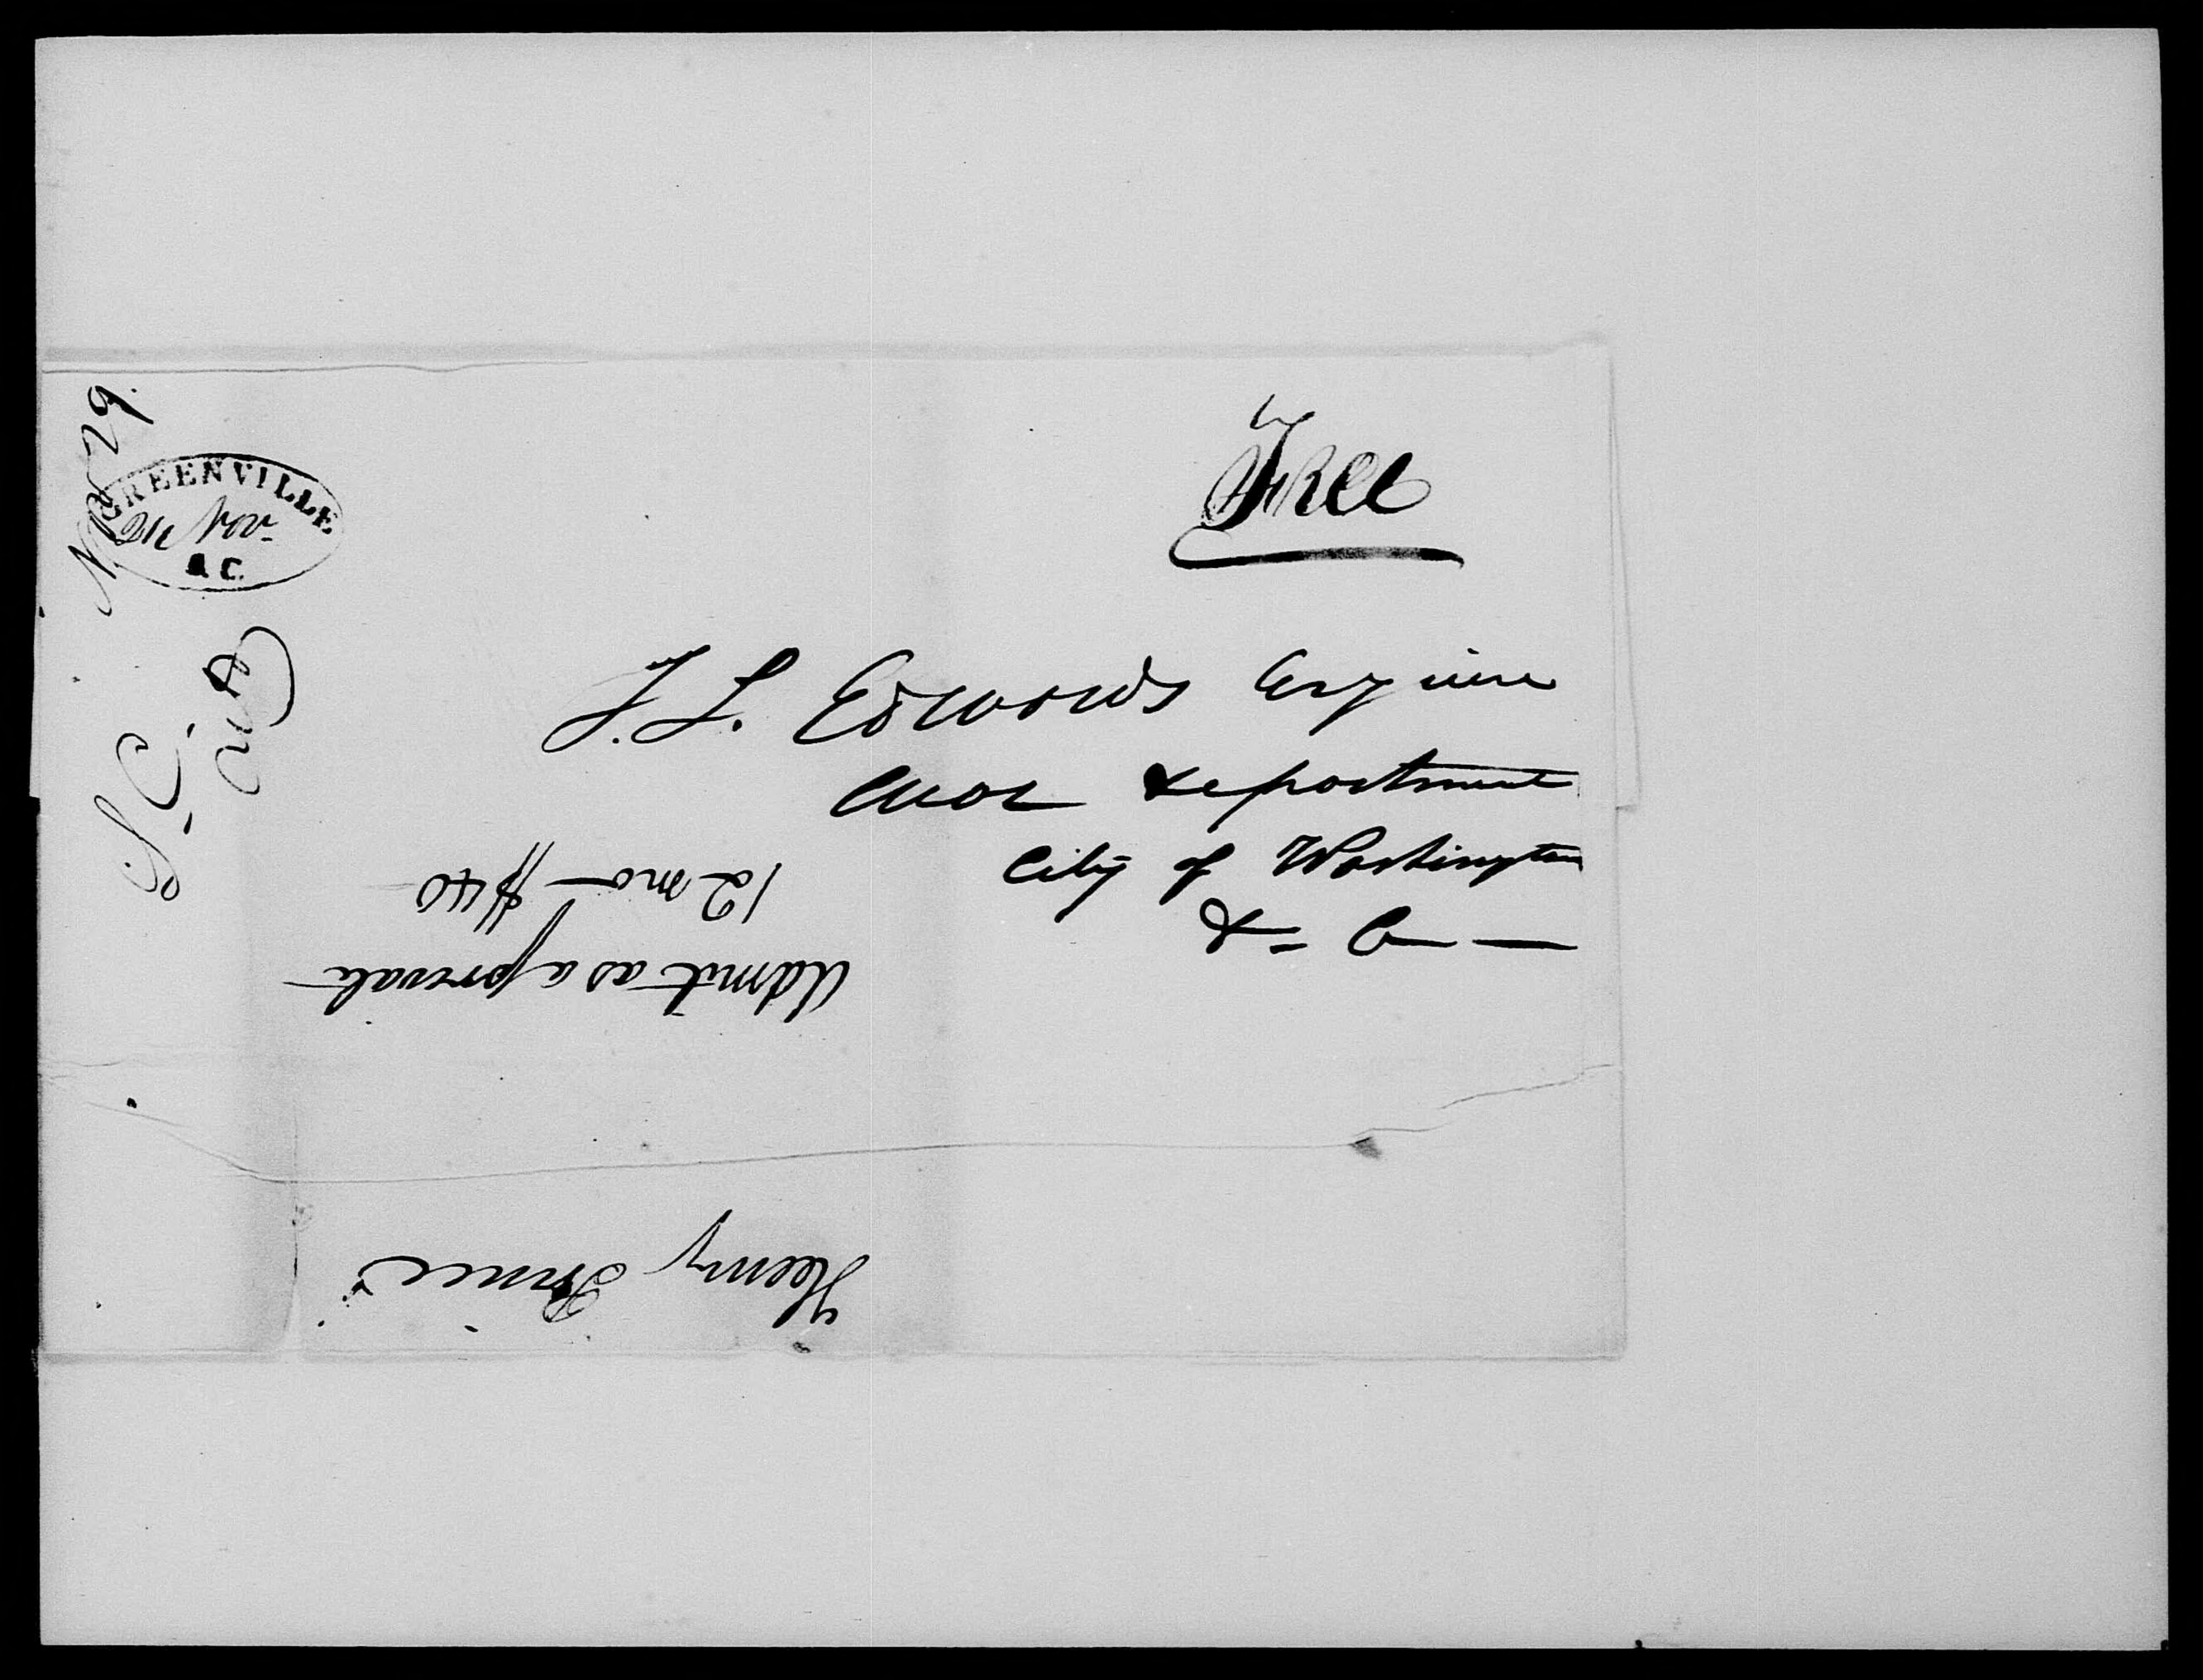[along side of document]
Nov 29
S.C.  [illegible]

[Stamp]
GREENVILLE   21 Nov
 S.C.

                                          Free
      J.L. Edwards Esquire
      War Department
      City of Washington
             &c


[upside down]
   Henry Prince
admit as approved
12 mo - $40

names: Henry Prince; J L Edwards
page: 17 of 23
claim: survivor's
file: S. 18,168, for Henry Prince, South Carolina